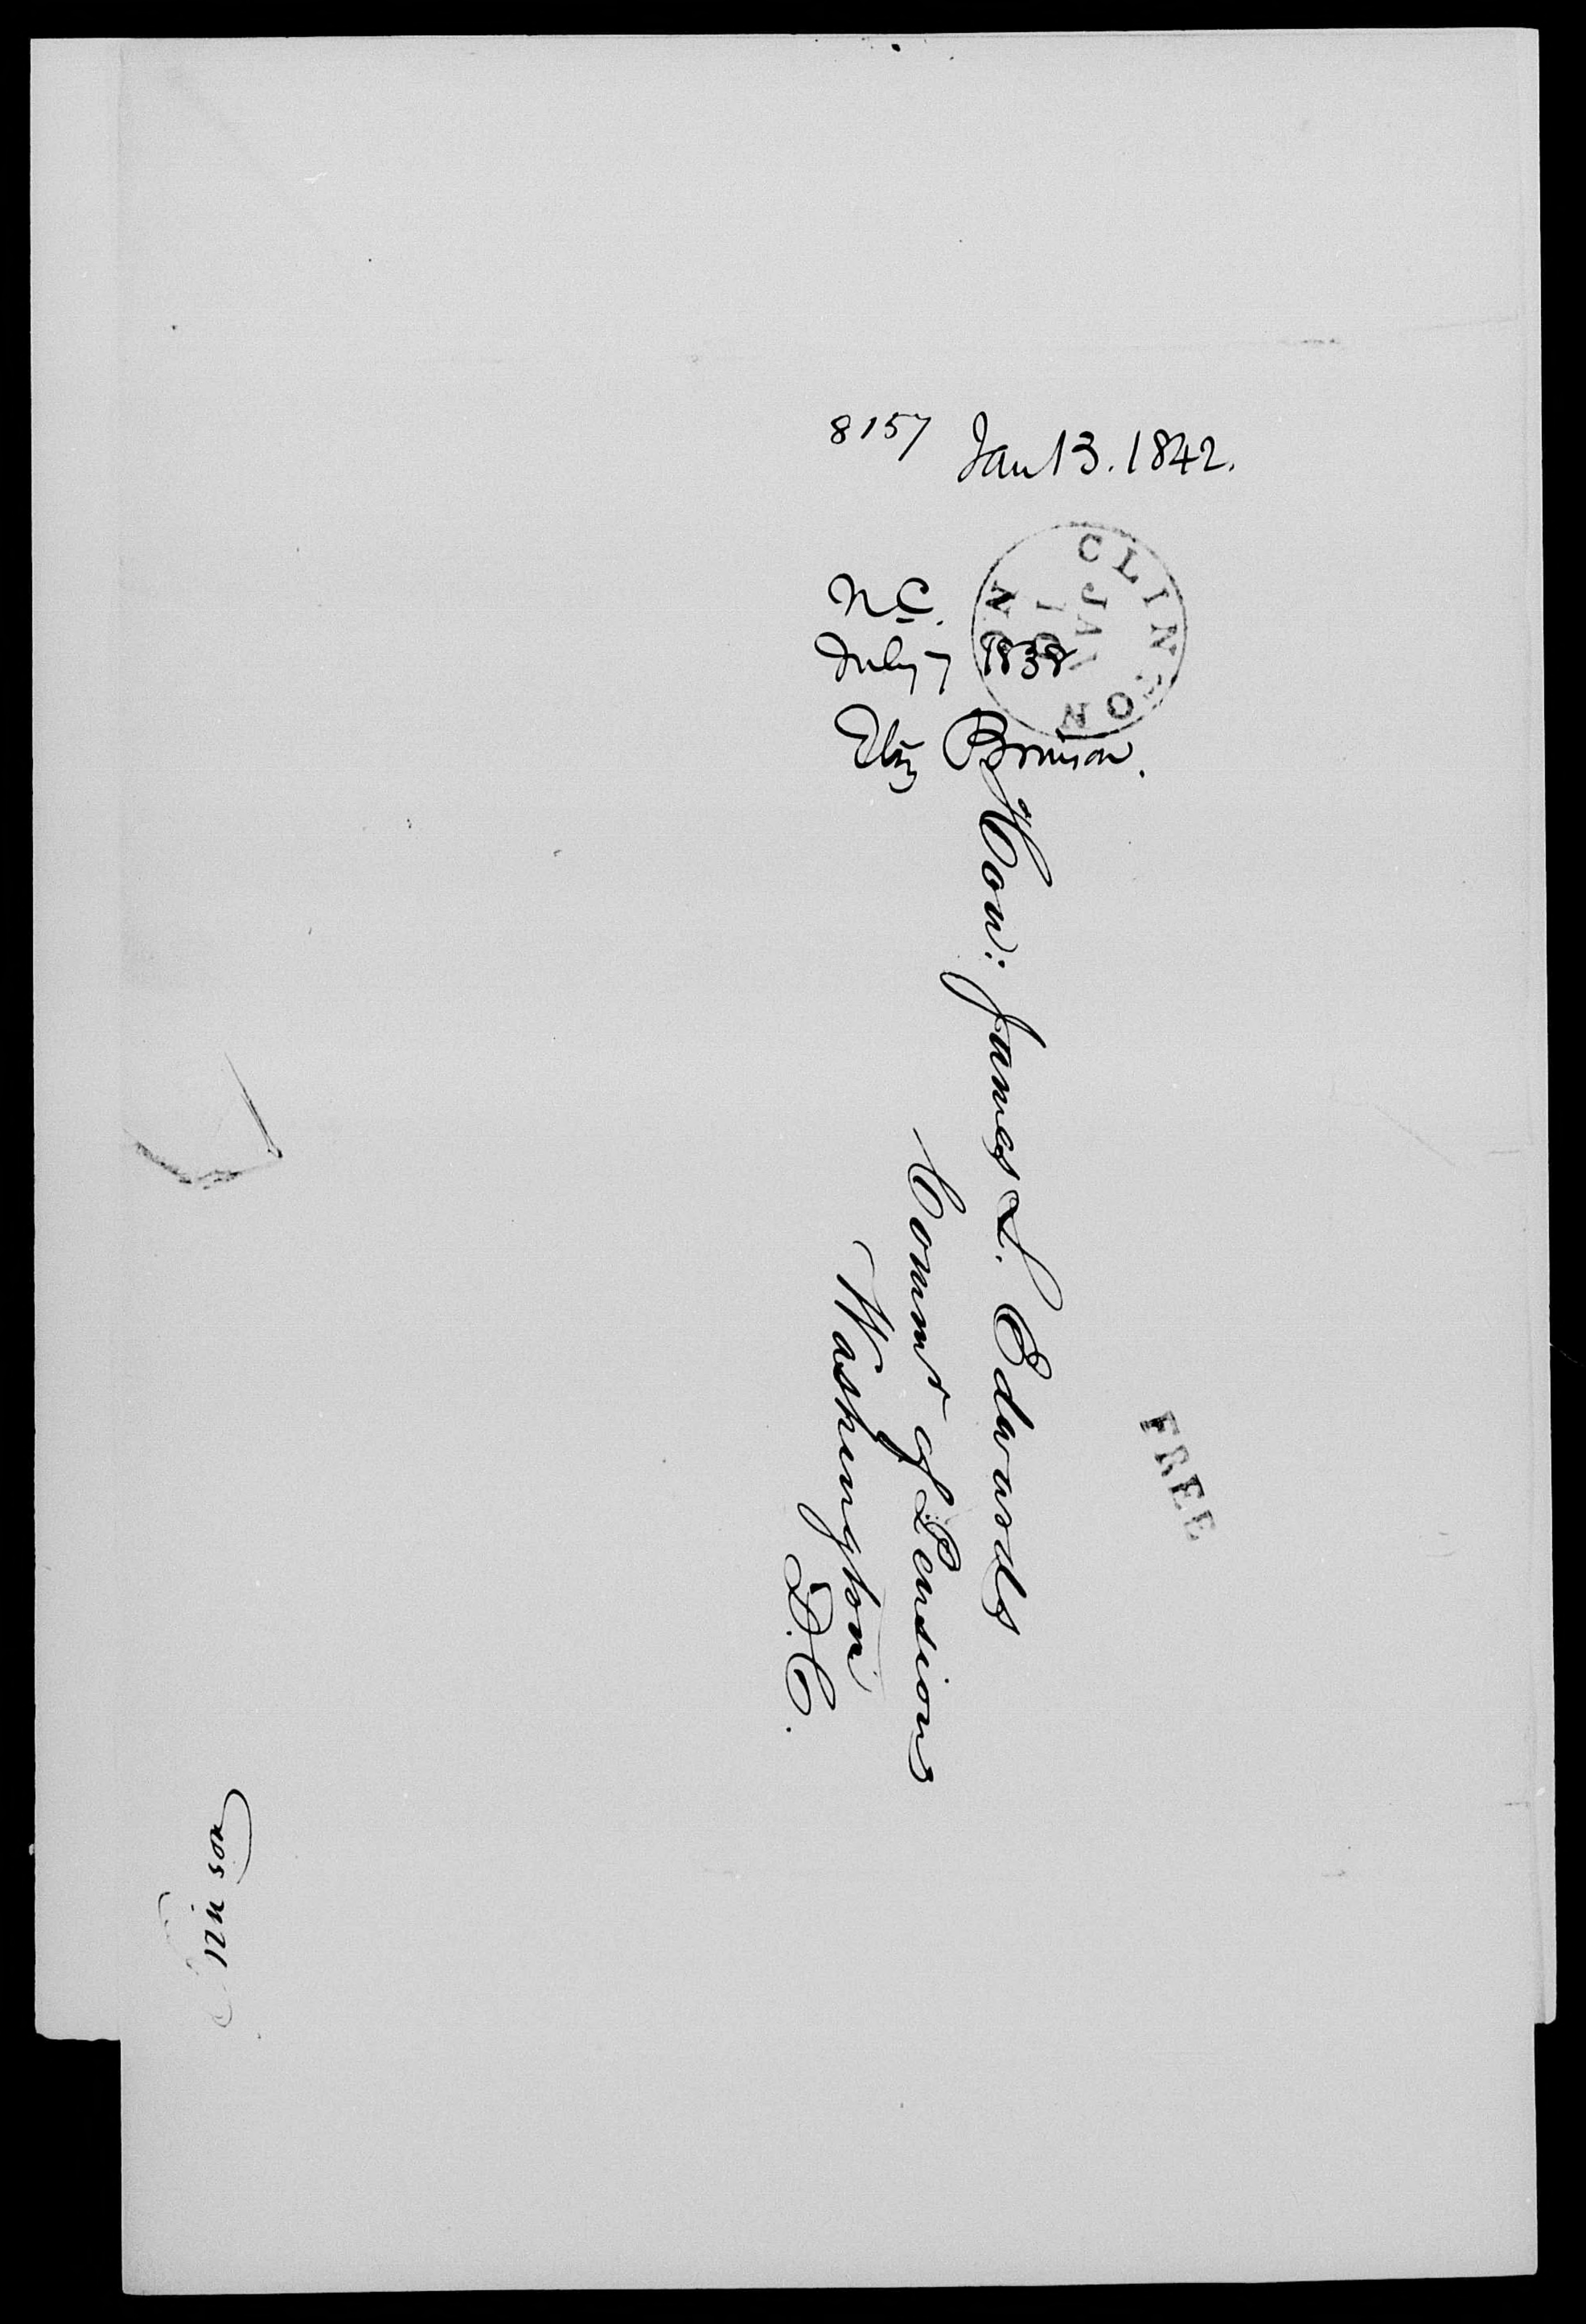8157 Jan 13. 1842

N.C.
July 7
Eliz Brinson

[postal stamp]
Clinton
Jan
10
N.C.

Free

Com: James L. Edwards
Commr of Pensions
Washington DC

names: James L Edwards, Eliz Brinson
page: 30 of 38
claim: widow's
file: W. 5231, Hilary Brinson, N.C.